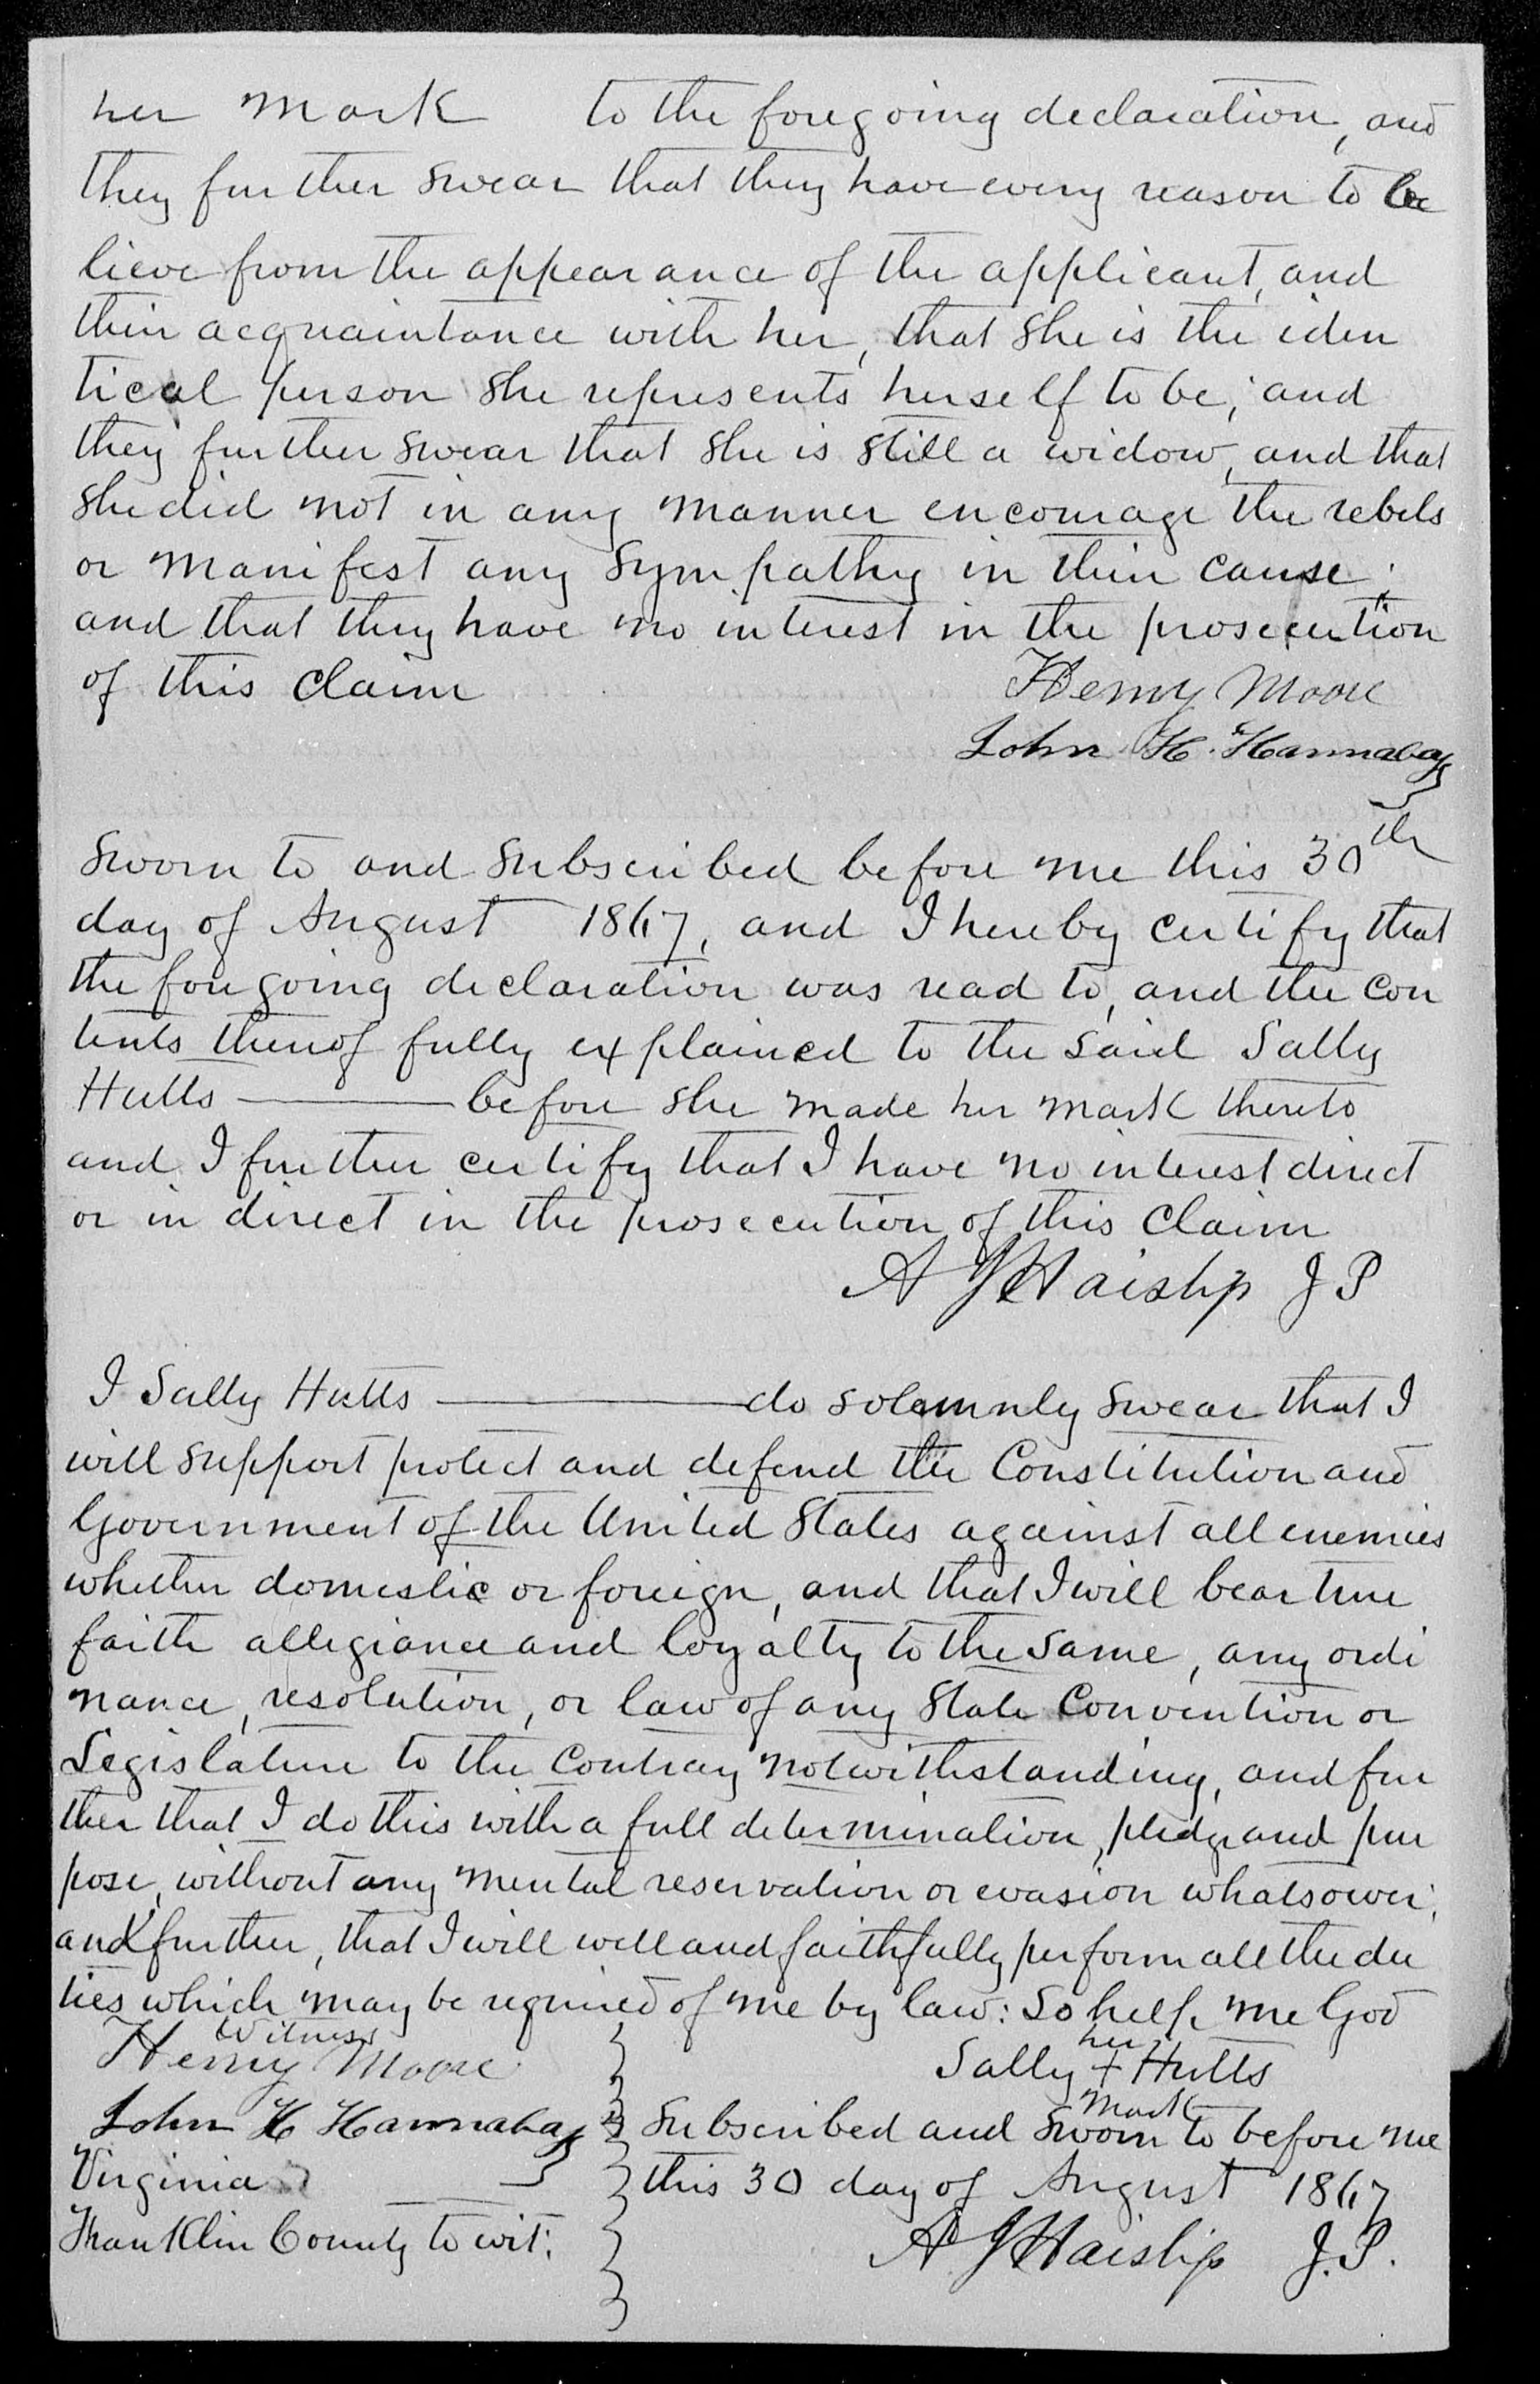Her mark to the foregoing declaration, and they further swear that they have every reason to believe from the appearance of the applicant, and their acquaintance with her, that she is the identical person she represents herself to be; and they further swear that she is still a widow, and that she did not in any manner encourage the rebels or manifest any sympathy with their cause; and that they have no interest in the prosecution of this claim.
Henry Moore
John H. Hannabass

Sworn to and subscribed before me this 30th day of August 1867, and I hereby certify that the foregoing declaration, was read to, and the contents thereof fully explained to the said Sally Hutts   -   before she made her mark thereto and I further certify that I have no interest direct or indirect in the prosecution of this claim.
A. J. [Illegible] JP

I Sally Hutts     do solemnly swear that I will support, protect and defend the Constitution of the Government of the United States, against all enemies whether domestic or foreign, and that I will bear true faith allegiance and loyalty to the same, any ordinance, resolution, or law of any State Convention or Legislature to the contrary no withstanding, and further that I do this with a full determination, pledge and purpose, without any mental reservation or evasion whatsoever; and further, that I will and faithfully perform all the duties which may be required of me by law: So help me God:-
Sally [her + mark] Hutts
Witness}
Henry Moore}
John H.  Hannabass}
Thom Kline County to wit}

Subscribed and Sworn to before me this 30th day of August 1867,
A J Hais[Illegible] JP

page: 32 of 33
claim: widow's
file: W. 550, for Leonard Hutts, Virginia